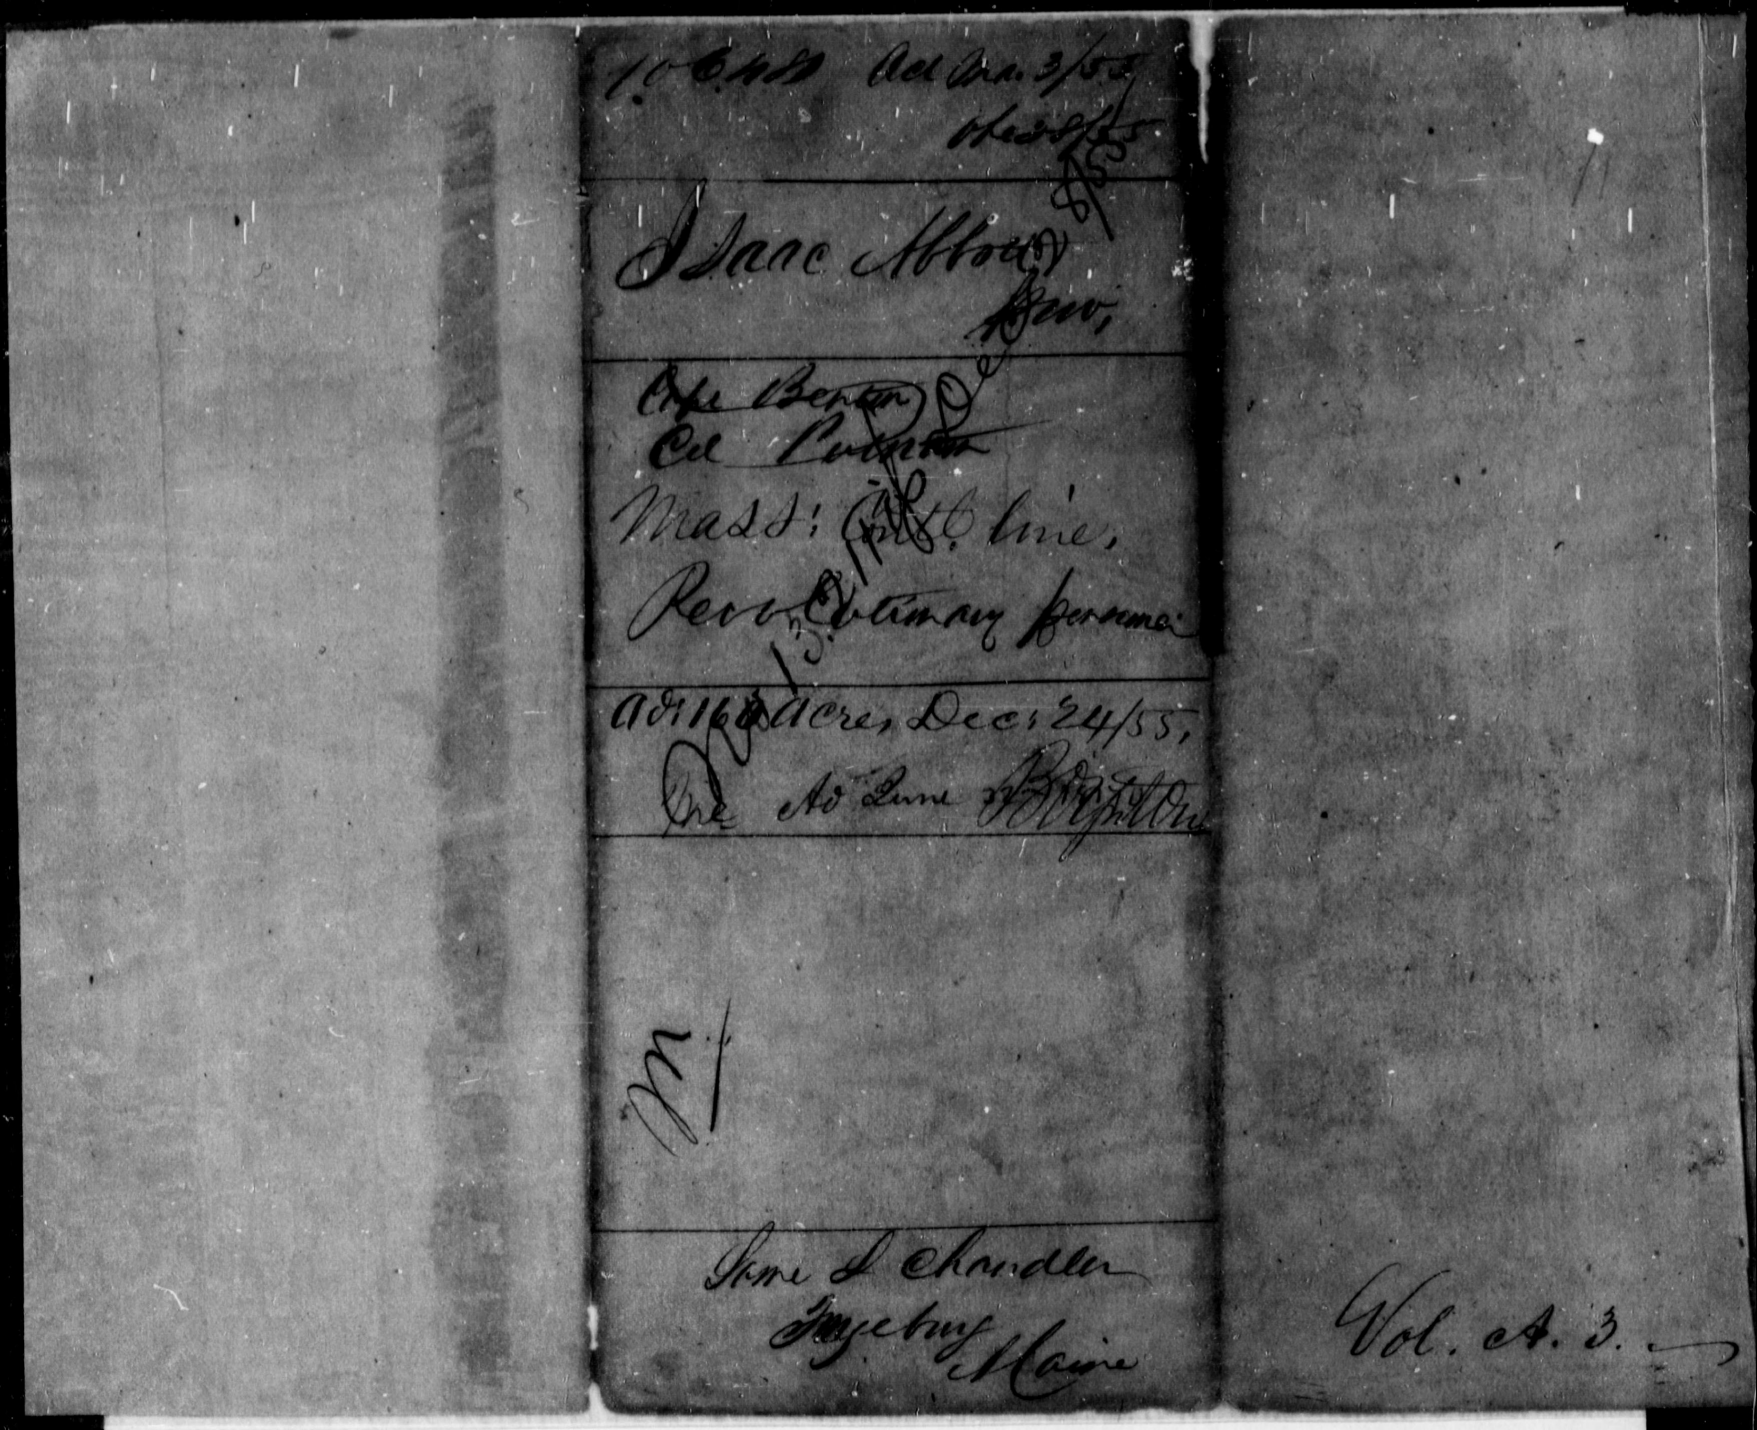10-6481 Act Apr. 3/53
______________________________
Isaac Abbott
Priv.
______________________________
Capt. Benton
Col. Putnam
Mass; Contl. Line,
Revolutionary Pensioner
______________________________
AG 160 Acres, Dec 24 / 55,
This A.D. June 22 - 1877
[SIGNED: Brighton]
______________________________
Same L. Chandler
Fryeburg
Maine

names: Putnam, Isaac Abbott, L Chandler, Benton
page: 13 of 86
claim: survivor's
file: S 29,568, Isaac Abbot, Mass